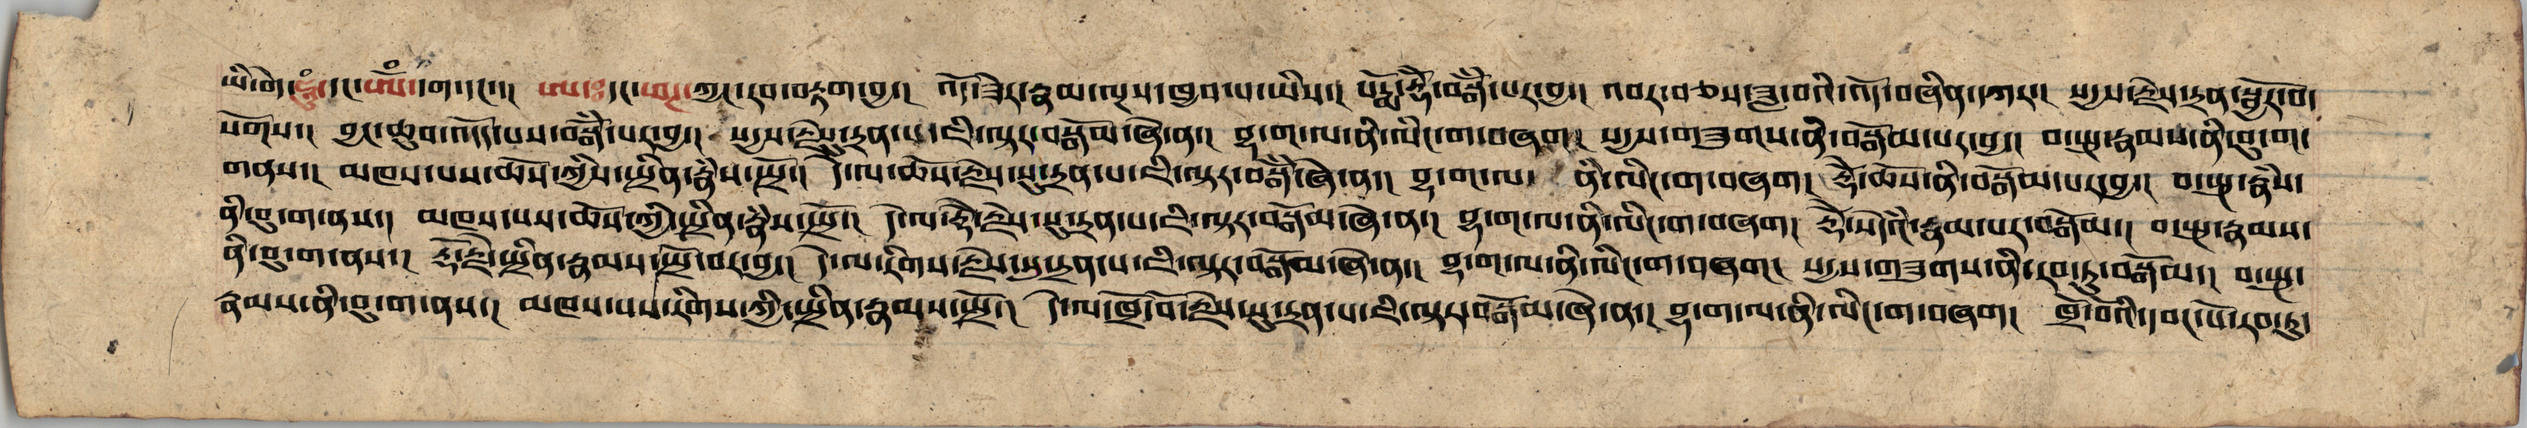ཡི་གེ་ཧཱུཾ་དང་ཨོཾ་དག་དང་་། ཨཿ་དང་ཕཊ་ཀྱང་རབ་བརྟག་བྱ་། འདོཟེར་རྣམ་ལྔས་ཁྱབ་པ་ཡིས་། པདྨོ་རྡོེ་བསྒོཾ་པར་བྱ་། འབར་བཅས་ཟླ་བའི་འོད་བཞིན་དཀར་། སདྱས་རྗེས་དྲན་སྦྱོར་བ་
སོགས་། བྱང་ཆུབ་འདོད་པས་བསྒོཾ་པར་བྱ་། སདྱས་རྗེས་སུ་དྲན་པ་ཇི་ལྟར་བསྒོམ་ཞེ་ན་། བྷ་ག་ལ་ནི་ལིང་ག་བཞག། སདྱས་གཟུགས་ནི་བསྒོམ་པར་བྱ་། བ་སྤུ་རྣམས་ནི་བུ་ག་
གནས་། མཁས་པས་ཆོས་ཀྱི་སྤྲིན་རྣཾས་སྤྲོ་། དེ་ལ་ཆོས་རྗེས་སུ་དྲན་པ་ཇི་ལྟར་བསྒོཾ་ཞེ་ན་། བྷ་ག་ལ་ ནི་ལིང་ག་བཞག། རྡོེ་ཆོས་ནི་བསྒོམ་པར་བྱ་། བ་སྤུ་རྣཾས་
ནི་བུ་ག་ནས་། མཁས་པས་ཆོས་ཀྱི་སྤྲིན་རྣཾས་སྤྲོ་། དེ་ལ་རྡོེ་རྗེས་སུ་དྲན་པ་ཇི་ལྟར་བསྒོམ་ཞེ་ན་། བྷ་ག་ལ་ནི་ལིང་ག་བཞག། རྡོེ་སེདཾའ་རྣམ་པར་བསྒོམ་། བ་སྤུ་རྣམས་
ནི་བུ་ག་ནས་། རྡོ་རྗེ་སྤྲིན་རྣམས་སྤྲོ་བར་བྱ་། དེ་ལ་རིགས་རྗེས་སུ་དྲན་པ་ཇི་ལྟར་བསྒོམ་ཞེ་ན་། བྷ་ག་ལ་ནི་ལིང་ག་བཞག། སདྱས་་གཟུགས་ནི་རབ་ཏུ་བསྒོམ་། བ་སྤུ་
རྣམས་ནི་བུ་ག་ནས་། མཁས་པས་རིགས་ཀྱི་སྤྲིན་རྣམས་སྤྲོ་། དེ་ལ་ཁྲོ་བོ་རྗེས་སུ་དྲན་པ་ཇི་ལྟར་བསྒོམ་ཞེ་ན་། བྷ་ག་ལ་ནི་ལིང་ག་བཞག། ཁྲོ་བོའི་དབང་པོ་རབ་ཏུ་